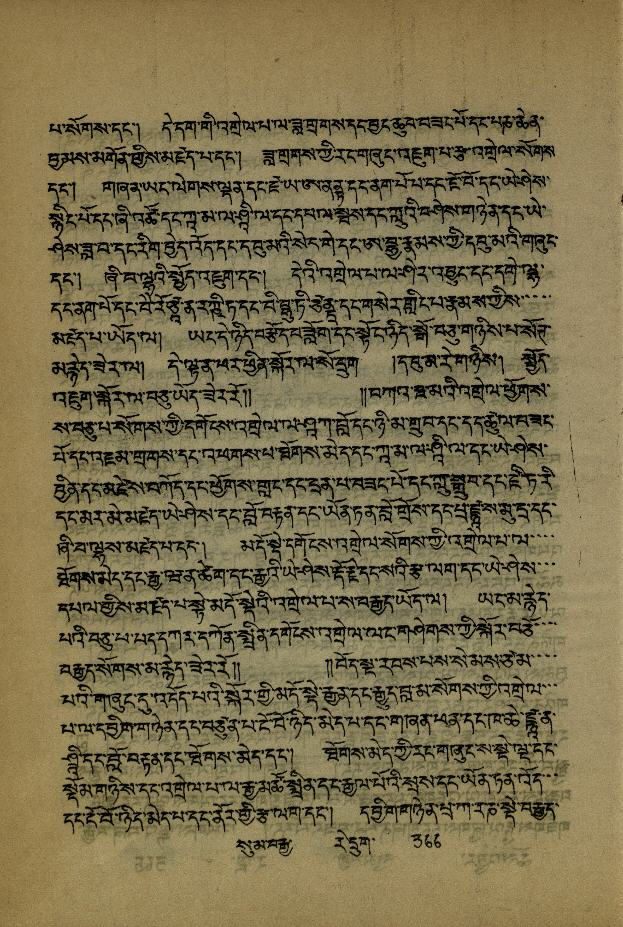པ་སོགས་དང་། དེ་དག་གི་འགྲེལ་པ་ལ་ཟླ་གྲགས་དང་བྱང་ཆུབ་བཟང་པོ་དང་པཎ་ཆེན་
བྱམས་མགོན་གྱིས་མཛེད་པ་དང་། ཟླ་གྲགས་ཀྱི་རང་གཞུང་འཇུག་པ་རྩ་འགྲེལ་སོགས་
དང་། གཞན་ཡང་ལེགས་ལྡན་དང་ཛེ་ཡ་ཨ་ནནྟ་དང་ནག་པོ་པ་དང་ཇོ་བོ་དང་ཡེ་ཤེས་
སྙིང་པོ་དང་ཞི་འཚོ་དང་ཀཱ་མ་ལ་ཤྲཱི་ལ་དང་དཔལ་སྦས་དང་ཀླུའི་བཤེས་གཉེན་དང་ཡེ་
ཤེས་ཟླ་བ་དང་རིག་བྱེད་འོད་དང་དབུ་མའི་སེང་གེ་དང་ཨ་བྷྱ་རྣམས་ཀྱི་དབུ་མའི་གཞུང་
དང་། ཞི་བ་ལྷའི་སྤྱོད་འཇུག་དང་། དེའི་འགྲེལ་པ་ལ་ཤེར་འབྱུང་དང་དགེ་ལྷ་
དང་ནག་པོ་དང་བཻ་རོ་ཙཱ་ན་རཀྵི་ཏ་དང་བི་བྷུ་ཏི་ཙནྡྲ་དང་གསེར་གླིང་པ་རྣམས་ཀྱིས་
མཛད་པ་ཡོད་ལ། ཡང་དེ་ཉིད་བརྩོད་བཟློག་དང་སྟོང་ཉིད་སྒོ་བཅུ་གཉིས་པ་སོཊ་
མ་རྙེད་ཟེར་ལ། དེ་ལྟ་ན་ཕར་ཕྱིན་སྐོར་ལ་སོ་དྲུག །དབུ་མ་རེ་གཉིས། སྤྱོད་
འཇུག་སྐོར་ལ་བཅུ་ཡོད་ཟེར་རོ།། །།བཀའ་ཐ་མའི་འགྲེལ་ཕྱོགས་
ས་བཅུ་པ་སོགས་ཀྱི་དགོངས་འགྲེལ་ལ་ཤཱཀ་བློ་དང་ཉི་མ་གྲུབ་དང་དད་ཚུལ་བཟང་
པོ་དང་འཇམ་གྲགས་དང་འཕགས་པ་ཐོགས་མེད་དང་ཀཱ་མ་ལ་ཤཱི་ལ་དང་ཡེ་ཤེས་
བྱིན་དང་མཛེས་བཀོད་དང་ཕྱོགས་གླང་དང་དྲན་པ་བཟང་པོ་དང་ཀླུ་སྒྲུབ་དང་ཛི་ཏ་རི་
དང་མར་མེ་མཛད་ཡེ་ཤེས་དང་བློ་བརྟན་དང་ཡོན་ཏན་བློ་གྲོས་དང་པྲ་ཛྙཱ་ས་མུ་དྲ་དང་
ཞི་བ་ལྷས་མཛད་པ་དང་། མདོ་སྡེ་དགོངས་འགྲེལ་སོགས་ཀྱི་འགྲེལ་པ་ལ་
ཐོགས་མེད་དང་རྒྱ་ཝ་ན་ཚེག་དང་རྒྱའི་ཡེ་ཤེས་རྡོ་ཇེ་དང་སའི་རྩ་ལག་དང་ཡེ་ཤེས་
དཔལ་གྱིས་མཛད་པ་སྟེ་མདོ་སྡེའི་འགྲེ་པ་ས་བརྒྱད་ཡོད་ལ། ཡང་མ་རྙེད་
པའི་བཅུ་པ་པད་དཀར་དཀོན་སྤྲིན་དགོངས་འགྲེལ་ལང་གཤེགས་ཀྱི་སྐོར་བཅོ་
བརྒྱད་སོགས་ན་རྙེད་ཟེར་རོ།། །།བོད་སྔ་རབས་པས་སེམས་ཚམ་
པའི་གཞུང་དུ་འདོད་པའི་སྐོར་གྱི་མདོ་སྡེ་རྒྱན་དང་རྒྱུད་བླ་མ་སོགས་ཀྱི་འགྲེལ་
པ་ལ་དབྱིག་གཉེན་དང་བཙུན་པང་བོ་ཉིད་མེད་པ་དང་གཞན་ཕན་དང་ཁ་ཆེ་ཛྣུཡཱ་ན་
ཤྲཱི་དང་བློ་བརྟན་དང་ཐོགས་མེད་དང་། ཐོགས་མེད་ཀྱི་རང་གཞུང་ས་སྡེ་ལྔ་དང་
སྡོམ་གཉིས་དང་འགྲེལ་པ་ལ་རྒྱ་མཚོ་སྤྲིན་དང་རྒྱལ་པོའི་སྲས་དང་ཡོན་ཏན་འོད་
དང་ངོ་བོ་ཉིད་མེད་པ་དང་ནོར་གྱི་རྩ་ལག་དང་། དབྱིག་གཉེན་པྲ་ཀ་ར་ཎ་སྡེ་བརྒྱད་